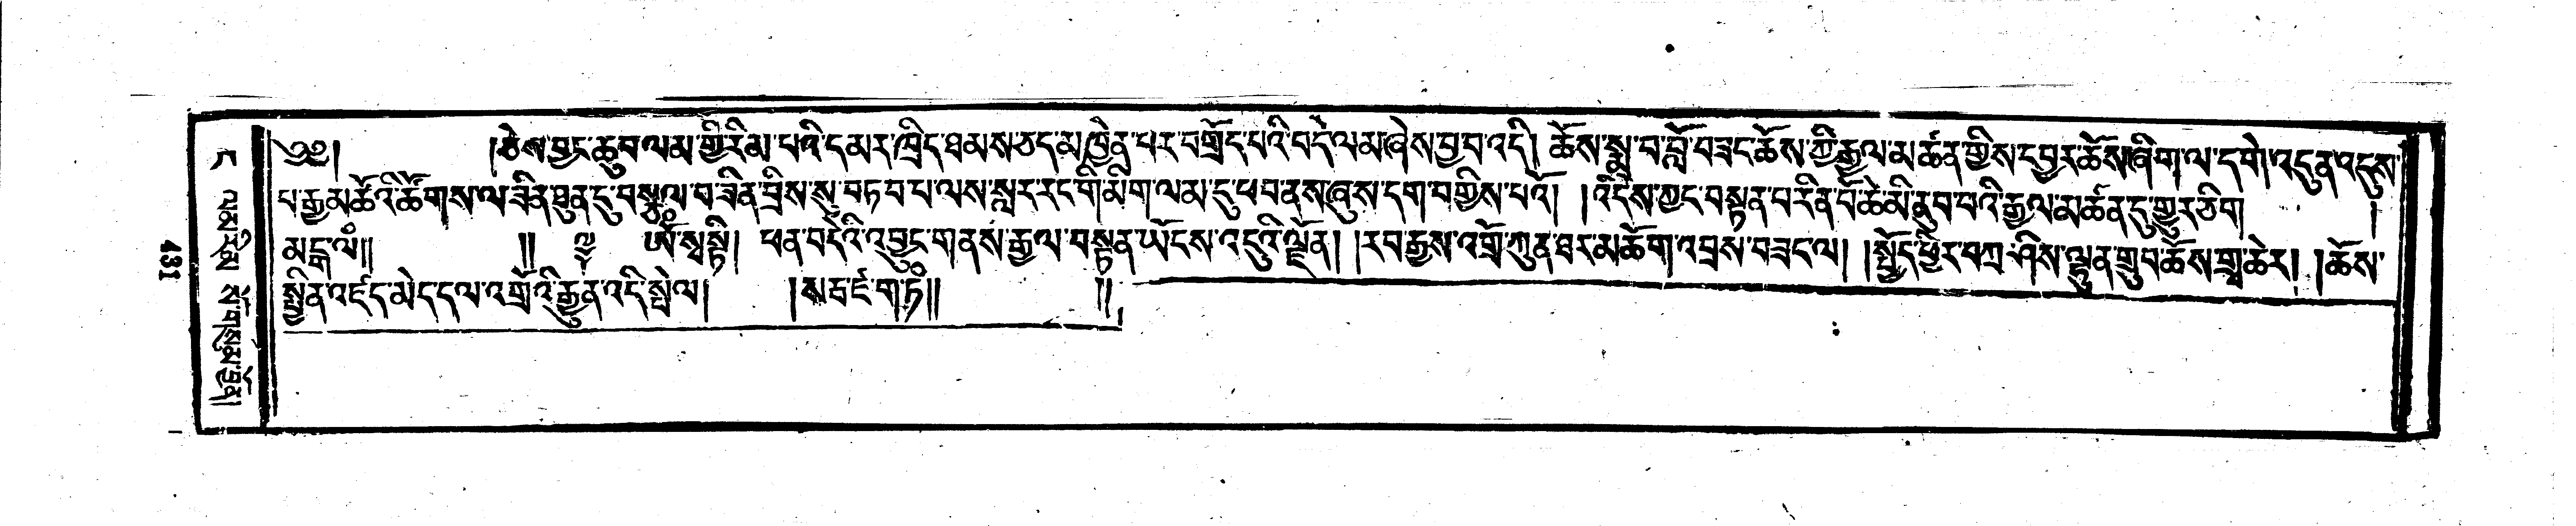༄༅། །ཅེས་བྱང་ཆུབ་ལམ་གྱི་རིམ་པའི་དམར་ཁྲིད་ཐམས་ཅད་མཁྱེན་པར་བགྲོད་པའི་བདེ་ལམ་ཞེས་བྱ་བ་འདི། ཆོས་སྨྲ་བ་བློ་བཟང་ཆོས་ཀྱི་རྒྱལ་མཚན་གྱིས་དབྱར་ཆོས་ཞིག་ལ་དགེ་འདུན་འདུས་
པ་རྒྱ་མཚོའི་ཚོགས་ལ་ཟིན་ཐུན་དུ་བསྩལ་བ་ཟིན་བྲིས་སུ་བཏབ་པ་ལས་སླར་རང་གི་མིག་ལམ་དུ་ཕབ་ནས་ཞུས་དག་བགྱིས་པའོ། །འདིས་ཀྱང་བསྟན་པ་རིན་པོ་ཆེ་མི་ནུབ་པའི་རྒྱལ་མཚན་དུ་གྱུར་ཅིག །
མངྒ་ལཾ།། །། ༈ ཨོཾ་སྭསྟི། ཕན་བདེའི་འབྱུང་གནས་རྒྱལ་བསྟན་ཡོངས་འདུའི་ལྗོན། །རབ་རྒྱས་འགྲོ་ཀུན་ཐར་མཆོག་འབྲས་བཟང་ལ། །སྤྱོད་ཕྱིར་བཀྲ་ཤིས་ལྷུན་གྲུབ་ཆོས་གྲྭ་ཆེར། །ཆོས་
སྦྱིན་འཛད་མེད་དལ་འགྲོའི་རྒྱུན་འདི་སྤེལ། །སརྦ་ཛ་ག་ཏཾ།། །།